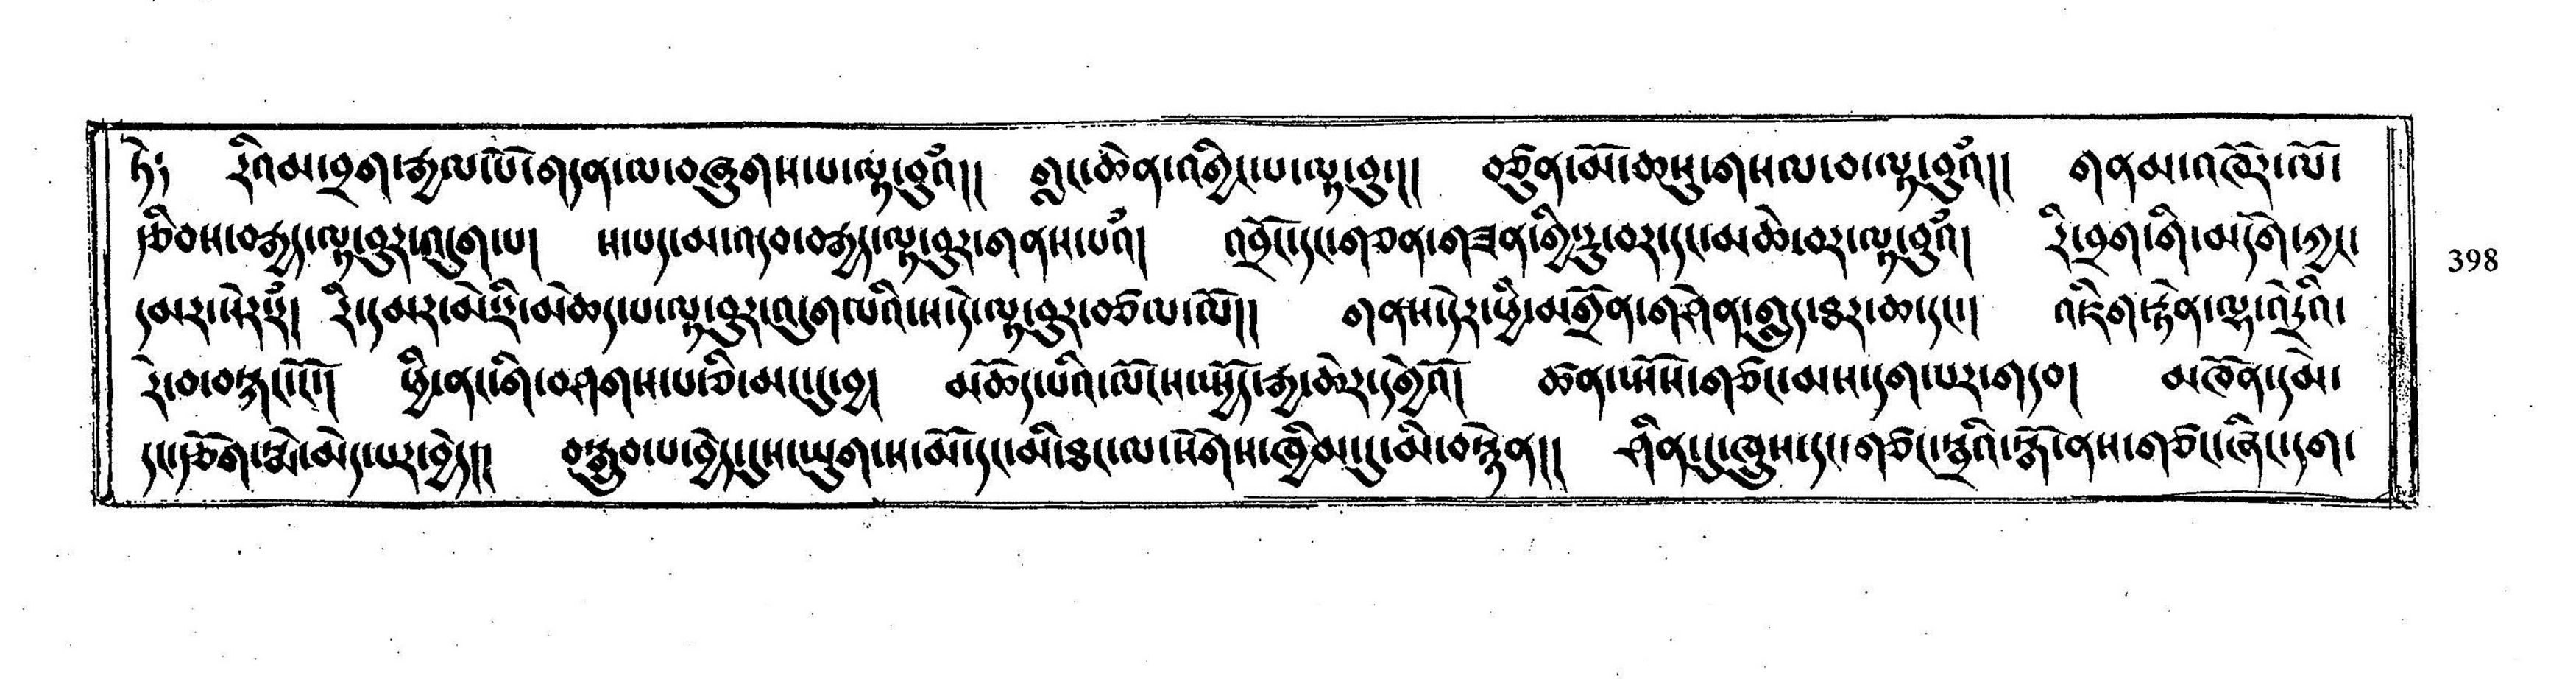ཏེ།། རིའམ་བྲག་རྒྱལ་པོ་གདན་ལ་བཞུགས་པ་ལྟ་བུའམ།། གླང་ཆེན་འགྱིང་པ་ལྟ་བུ།། བཙུན་མོ་ཆས་སུ་གསལ་བ་ལྟ་བུའམ། གནམ་འཁོར་ལོ་
རྩིབས་བརྒྱད་ལྟ་བུར་འདུག་པ། ས་པད་མ་འདབ་བརྒྱད་ལྟ་བུར་གནས་པའམ།། འབྲོང་དང་གཅན་གཟན་གྱི་རུ་བར་དང་མཆེ་བར་ལྟ་བུའམ། རི་བྲག་གི་མདོག་ཀྱང་
དམར་སེར་རམ། རི་དམར་མེ་རི་མཆེད་པ་ལྟ་བུར་འདུག་པའི་ས་དེ་ལྟ་བུར་བཙལ་ལོ།། གནས་དེར་ཕྱི་མགྲོན་གཤེན་གླུད་ཐར་ཆ་དང་།། འཇིག་རྟེན་ལྷ་འདྲེའི་
རེ་བ་བསྐང་ངོ་། ཕྱི་ནང་གི་བཤགས་པ་ཅི་མང་དུ་བྱ། མཆོད་པའི་ལོངས་སྤྱོད་རྒྱ་ཆེར་དགྱེའོ།། ཚན་སྤོས་གཙང་མས་དག་པར་གདབ། མཁོན་དམེ་
དང་རྩོག་སྨེ་མེད་{408}པར་བྱེད། བསྒྲུབ་པ་བྱེད་དུས་ཡུག་ས་མོ་དང་མི་ཐང་ལ་སོགས་ཁྱིམ་དུ་མི་བསྙེན།། ཤིན་ཏུ་ཁྲུས་དང་གཙང་སྦྲའི་སྒོ་ནས་གཙང་ཞིང་དག་